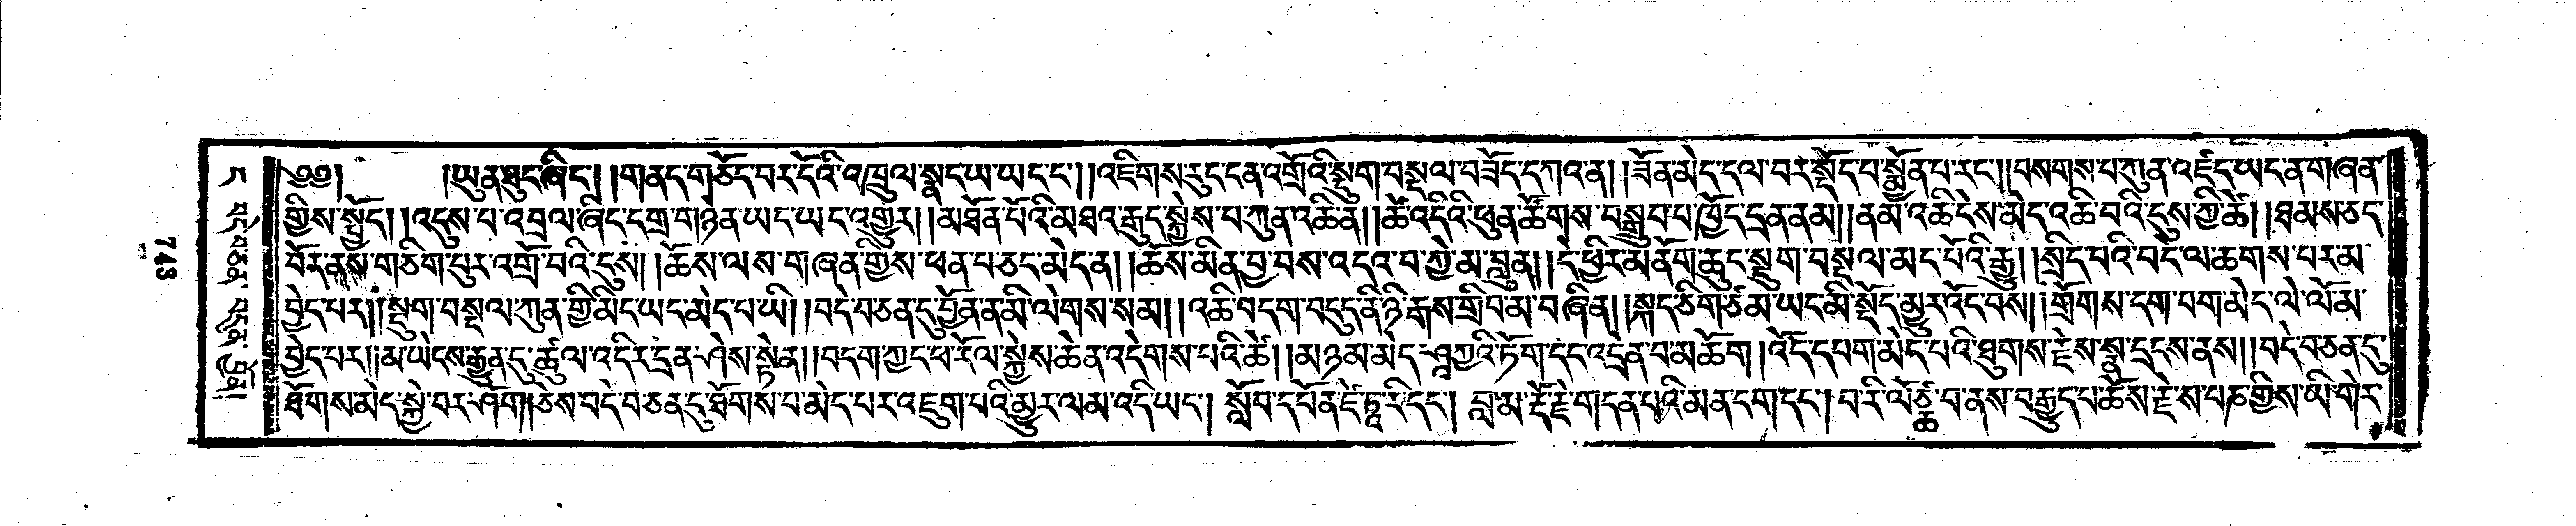༄༅། །ཡུན་ཐུང་ཞིང་། །གནད་གཅོད་བར་དོའི་འཁྲུལ་སྣང་ཡ་ཡང་ང་། །འཇིགས་རུང་ངན་འགྲོའི་སྡུག་བསྔལ་བཟོད་དཀའ་ན། །ཟོན་མེད་དལ་བར་སྡོད་པ་སྨྱོན་པ་རང་། །བསགས་པ་ཀུན་འཛད་ཡང་ན་གཞན་
གྱིས་སྤྱོད། །འདུས་པ་འབྲལ་ཞིང་དགྲ་གཉེན་ཡང་ཡང་འགྱུར། །མཐོན་པོའི་མཐའ་རྒུད་སྐྱེས་པ་ཀུན་འཆི་ན། །ཚེ་འདིའི་ཕུན་ཚོགས་བསྒྲུབ་པ་ཁྱོད་དྲན་ནམ། །ནམ་འཆི་ངེས་མེད་འཆི་བའི་དུས་ཀྱི་ཚེ། །ཐམས་ཅད་
བོར་ནས་གཅིག་པུར་འགྲོ་བའི་དུས། །ཆོས་ལས་གཞན་གྱིས་ཕན་པ་ཅང་མེད་ན། །ཆོས་མིན་བྱ་བས་འདའ་བ་ཀྱེ་མ་བླུན། །དེ་ཕྱིར་མནོག་ཆུང་སྡུག་བསྔལ་མང་པོའི་རྒྱུ། །སྲིད་པའི་བདེ་ལ་ཆགས་པར་མ་
བྱེད་པར། །སྡུག་བསྔལ་ཀུན་གྱི་མིང་ཡང་མེད་པ་ཡི། །བདེ་བ་ཅན་དུ་བྱོན་ན་མི་ལེགས་སམ། །འཆི་བདག་བདུད་ནི་ཉི་རྒས་གྲིབ་མ་བཞིན། །སྐད་ཅིག་ཙམ་ཡང་མི་སྡོད་མྱུར་འོང་བས། །གྲོགས་བདག་བག་མེད་ལེ་ལོ་མ་
བྱེད་པར། །མ་ཡེངས་རྒྱུན་དུ་ཚུལ་འདིར་དྲན་ཤེས་སྟེན། །བདག་ཀྱང་ཕ་རོལ་སྐྱེས་ཆེན་འདེགས་པའི་ཚེ། །མཉམ་མེད་ཤཱཀྱའི་ཏོག་དང་འདྲེན་པ་མཆོག །འོད་དཔག་མེད་པའི་ཐུགས་རྗེས་སྣ་དྲངས་ནས། །བདེ་བ་ཅན་དུ་
ཐོགས་མེད་སྐྱེ་བར་ཤོག །ཅེས་བདེ་བ་ཅན་དུ་ཐོགས་པ་མེད་པར་འཇུག་པའི་མྱུར་ལམ་འདི་ཡང་། སློབ་དཔོན་ཛེ་ཏཱ་རི་དང་། བླ་མ་རྡོ་རྗེ་གདན་པའི་མན་ངག་དང་། བ་རི་ལོཙྪ་བ་ནས་བརྒྱུད་པ་ཆོས་རྗེ་ས་པཎ་གྱིས་ཡི་གེར་